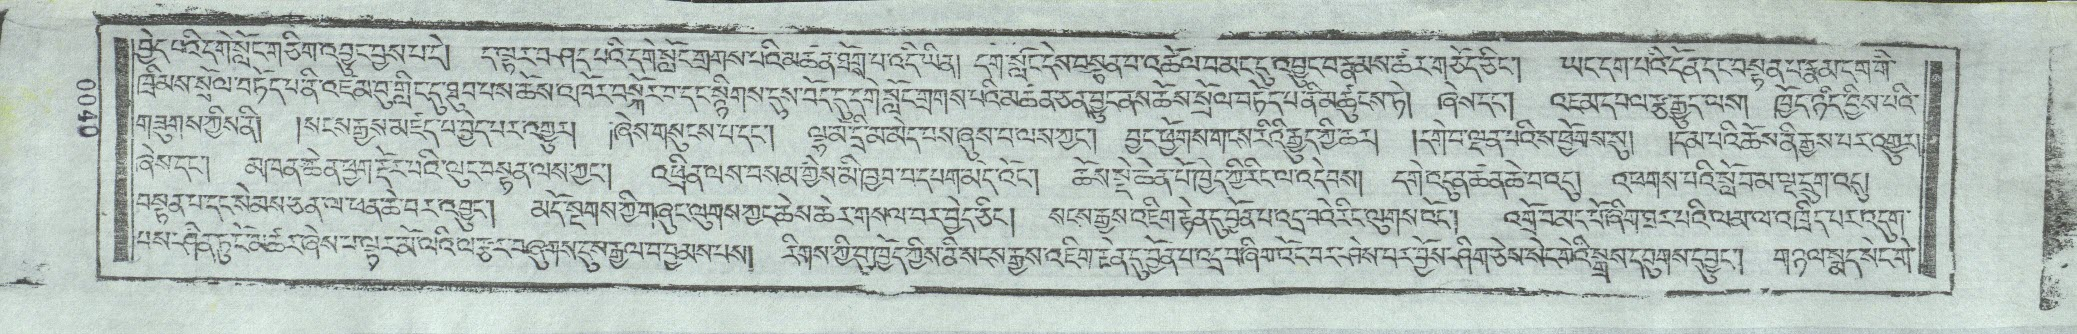བྱེད་པའི་དགེ་སློང་གཅིག་འབྱུང་བྱས་པ་དེ། ད་ལྟར་བཤད་པའི་དགེ་སློང་གྲགས་པའི་མཚན་ཐོགས་པ་འདི་ཡིན། དགེ་སློང་དེས་བསྟན་པ་འཆོལ་བ་མང་དུ་འབྱུང་བ་རྣམས་ཚར་གཅོད་ཅིང་། ཡང་དག་པའི་དོན་དང་བསྟན་པ་རྣམ་དག་གི་
ཁྲིམས་སྐོལ་བཏོད་པ་ནི་འཛམ་བུ་གླིང་དུ་ཐུབ་པས་ཆོས་འཁོར་བསྐོར་བ་དང་སྙིགས་དུས་བོད་དུ་དགེ་སློང་གྲགས་པའི་མཚན་ཅན་བྱུང་ནས་ཆོས་སྲོལ་བཏོད་པ་ནི་མཚུངས་ཏེ། ཞེས་དང་། འཇམ་དཔལ་རྩ་རྒྱུད་ལས། ཁྱོད་ཉིད་བྱིས་པའི་
གཟུགས་ཀྱིས་ནི། །སངས་རྒྱས་མཛད་པ་བྱེད་པར་འགྱུར། །ཞེས་གསུངས་པ་དང་། ལྷ་མ་དྲི་མ་མེད་པས་ཞུས་པ་ལས་ཀྱང་། བྱང་ཕྱོགས་གངས་རིའི་རྒྱུད་ཀྱི་ཆར། །དགེ་བ་ལྡན་བའི་ས་ཕྱོགས་སུ། །དམ་པའི་ཆོས་ནི་རྒྱས་པར་འགྱར།
ཞེས་དང་། མཁན་ཆེན་ཕྱག་རྡོར་བའི་ལུང་བསྟན་ལས་ཀྱང་། འཕྲིན་ལས་བསམ་གྱིས་མི་ཁྱབ་པ་དཔག་མེད་འོང་། ཆོས་སྡེ་ཆེན་པོ་ཁྱེད་ཀྱི་རིང་ལ་འདེབས། དགེ་འདུན་ཚན་ཆེ་བ་འདུ། འཕགས་པའི་སློབ་མ་ལྔ་དྲུག་འདུ།
བསྟན་པ་དང་སེམས་ཅན་ལ་ཕན་ཆེ་བར་འབྱུང་། མདོ་སྔགས་ཀྱི་གཞུང་ལུགས་ཀྱང་ཆེས་ཆེར་གསལ་བར་བྱེད་ཅིང་། སངས་རྒྱས་འཇིག་རྟེན་དུ་བྱོན་པ་འདྲ་བའི་རིང་ལུགས་འོང་། འགྲོ་བ་མང་པོ་ཞིག་ཐར་བའི་ལམ་ལ་འཁྲིད་པར་འདུག་
པས་ཤིན་ཏུ་ངོ་མཚར་ཞེས་པ་ལྟར་མོ་ལའི་ལ་རྩར་བཞུགས་དུས་རྒྱལ་བ་བྱམས་པས། རིགས་ཀྱི་བུ་ཁྱོད་ཀྱིས་ནི་སངས་རྒྱས་འཇིག་རྟེན་དུ་བྱོན་པ་འདྲ་བཞིག་འོང་བར་ཤེས་པར་བྱོས་ཤིག་ཅེས་སེང་གེའི་སྒྲས་དབུགས་དབྱུང་། གཉལ་སྨད་སེང་གེ་